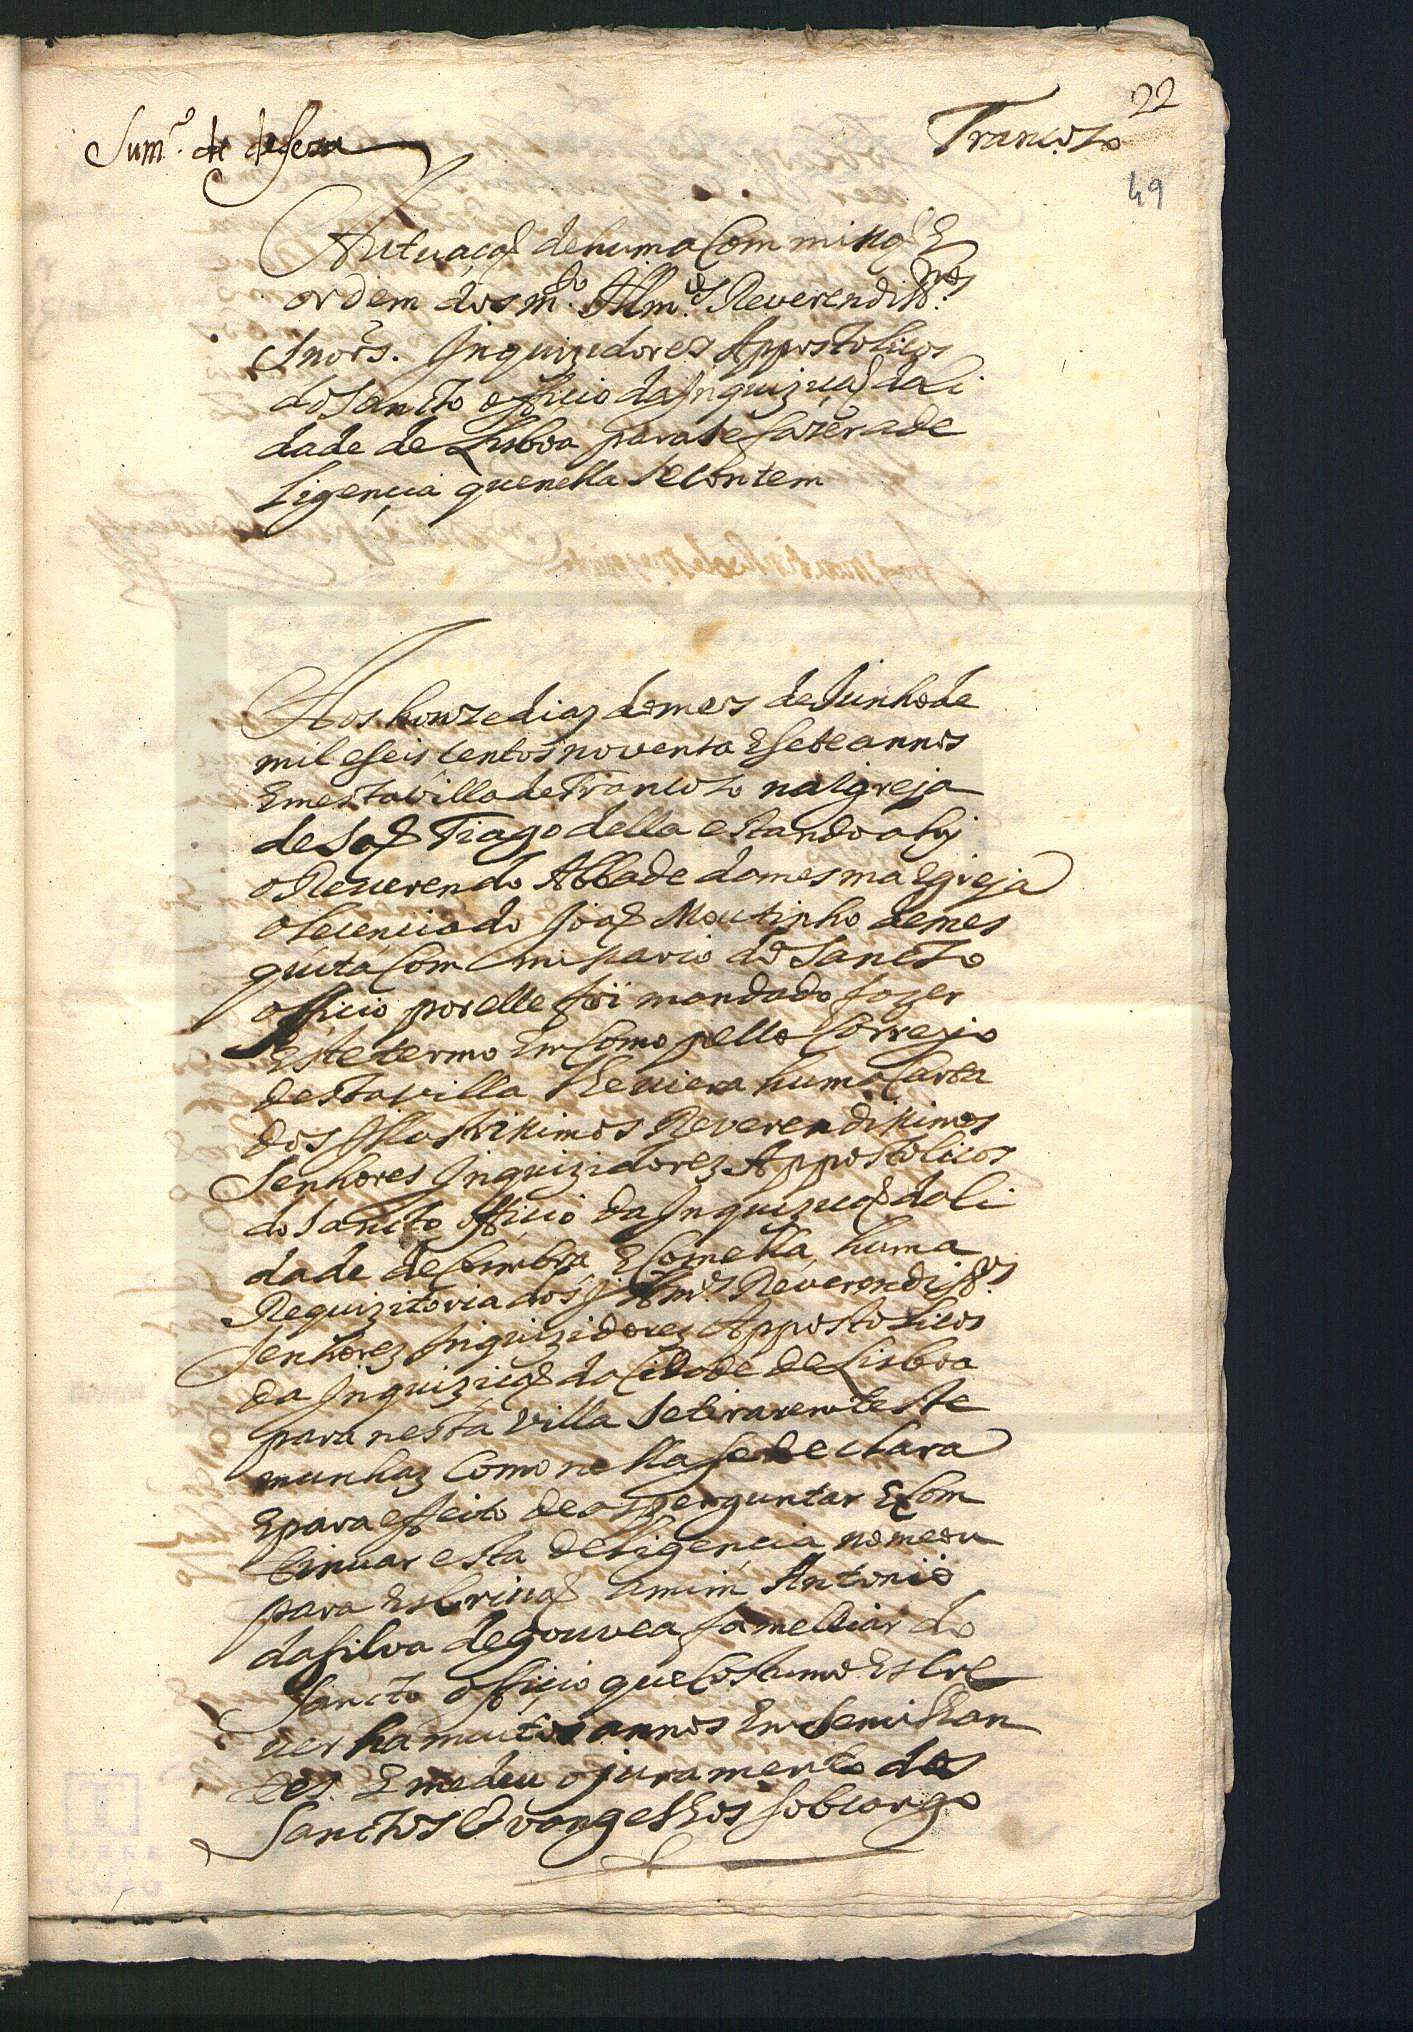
Sumo. de defeza
Trancozo
Autuaçaõ de huma Commissaõ E
ordem dos mto. Illm.os Reuerendiss:mos
Snor̄s. Jnquizidores Appostolicos
do Sancto offiçio da Jnquiziçaõ da Ci
dade de Lisboa para se fazer a de
Ligençia que nella se contem
Aos honze dias do mez de Iunho de
mil e seisçentos noventa E sete annos
Em esta villa de Trancoso na igreja
de Saõ Tiago della estando ahy
o Reuerendo Abbade da mesma egreja
o leçençiado Joaõ Moutinho de mes
quita Commissario do Sancto
offiçio por elle foi mandado fazer
Este termo Em Como pello Correyo
desta villa lhe uiera huma Carta
dos Illustrissimos Reverendissimos
Senhores Jnquizidorez Appostolicos
do Sancto offiçio da Jnquizicaõ da Ci
dade de Coimbra, E Com ella, huma
Requizitoria dos Jllm.os Reuerendissos.
Senhores Inquizidorez Appostolicos
da Jnquiziçaõ da Cidade de Lisboa
para nesta villa se tirarem teste
munhaz Como nella se declara
E para effeito de as perguntar E Com
tinuar esta deLigençia nomeou
para EsCriuaõ a mim Antonio
da silua de gouvea famelliar do
Sancto offiçio que Costumo EsCre
uer ha muitos annos Em semilhan
tes. E me deu o juramento dos
Sanctos Evangelhos sob cargo
